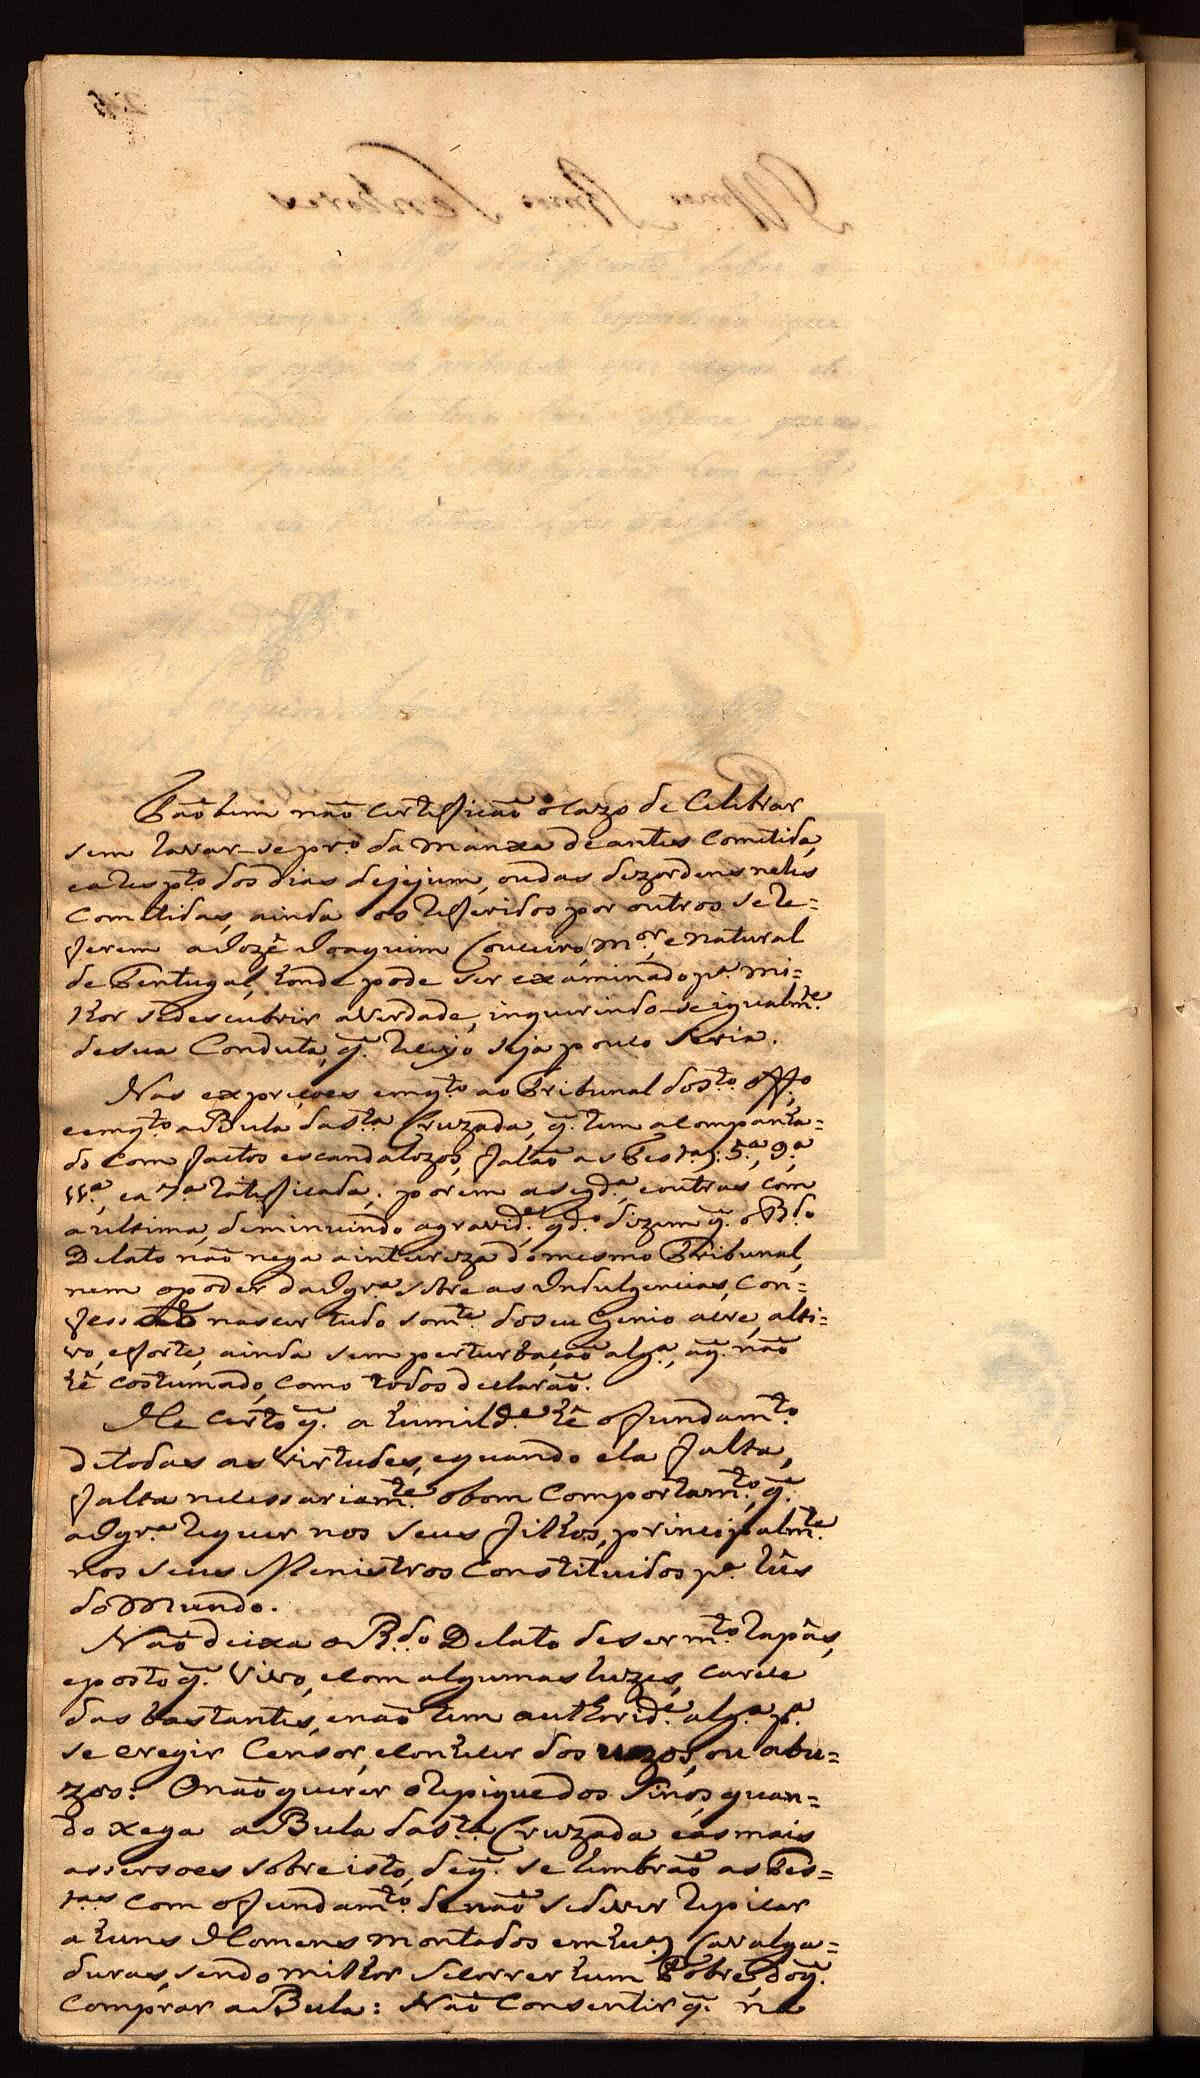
Taõbem naõ certeficaõ o cazo de Celebrar
sem lavar-se pr.o da manxa de antes cometida,
e a Respto dos dias de jejum, ou das dezordens neles
cometidas, ainda os Referidos por outros se Re
ferem a Iozé Ioaquim Couceiro, m.or, e natural
de Tentugal, honde pode ser examinado p.a mi
lhor se descubrir a verdade inquirindo- se igualm.te
de sua Conduta, q̄ Receyo seja pouco seria.
Nas expriçoes emq.to ao Tribunal do S.to off.o
e em q.to a Bula da S.ta Cruzada, q̄ tem acompanha
do Como factos escandalozos, falaõ as Tes.tas. 5.a, 9.a
11.a, e a 7.a Rateficada; porem a segd.a e outras com
a ultima deminuindo a gravid.e qd.o dizem q̄ o R.do
Delato naõ nega a inteireza do mesmo Tribunal,
nem o poder da Igr.a sobre as Indulgencias, con
fessaõ nascer tudo som.te do seu Genio acre, alti
vo, e forte, ainda sem perturbaçaõ alg.a, a q̄ não
hé costumado, como todos declaraõ.
He certo q̄ a humild.e hé o fundam.to
de todas as Virtudes, e quando ela falta,
falta necessariam.te o bom comportam.to q̄
a Igr.a Requer nos seus filhos, principalm.te
nos seus Menistros Constituidos p.a Reis
do Mundo.
Naõ deixa o R.do Delato de ser m.to Rapás,
e posto q̄ Vivo, e com algumas luzes, carece
das bastantes, e naõ tem authorid.e alg.a p.a
se eregir Censor, e conhecer dos uzos, ou abu
zos. E naõ querer o Repique dos Sinos, quan
do xega a Bula da s.ta Cruzada, e as mais
assersoes sobre isto, de q. se lembraõ as Pes
soas com o fundam.to de naõ se dever Repicar
a huns Homens montados em huas Cavalga
duras, sendo milhor secorrer hum Pobre do q̄
comprar a Bula: Naõ consentir q̄ na
